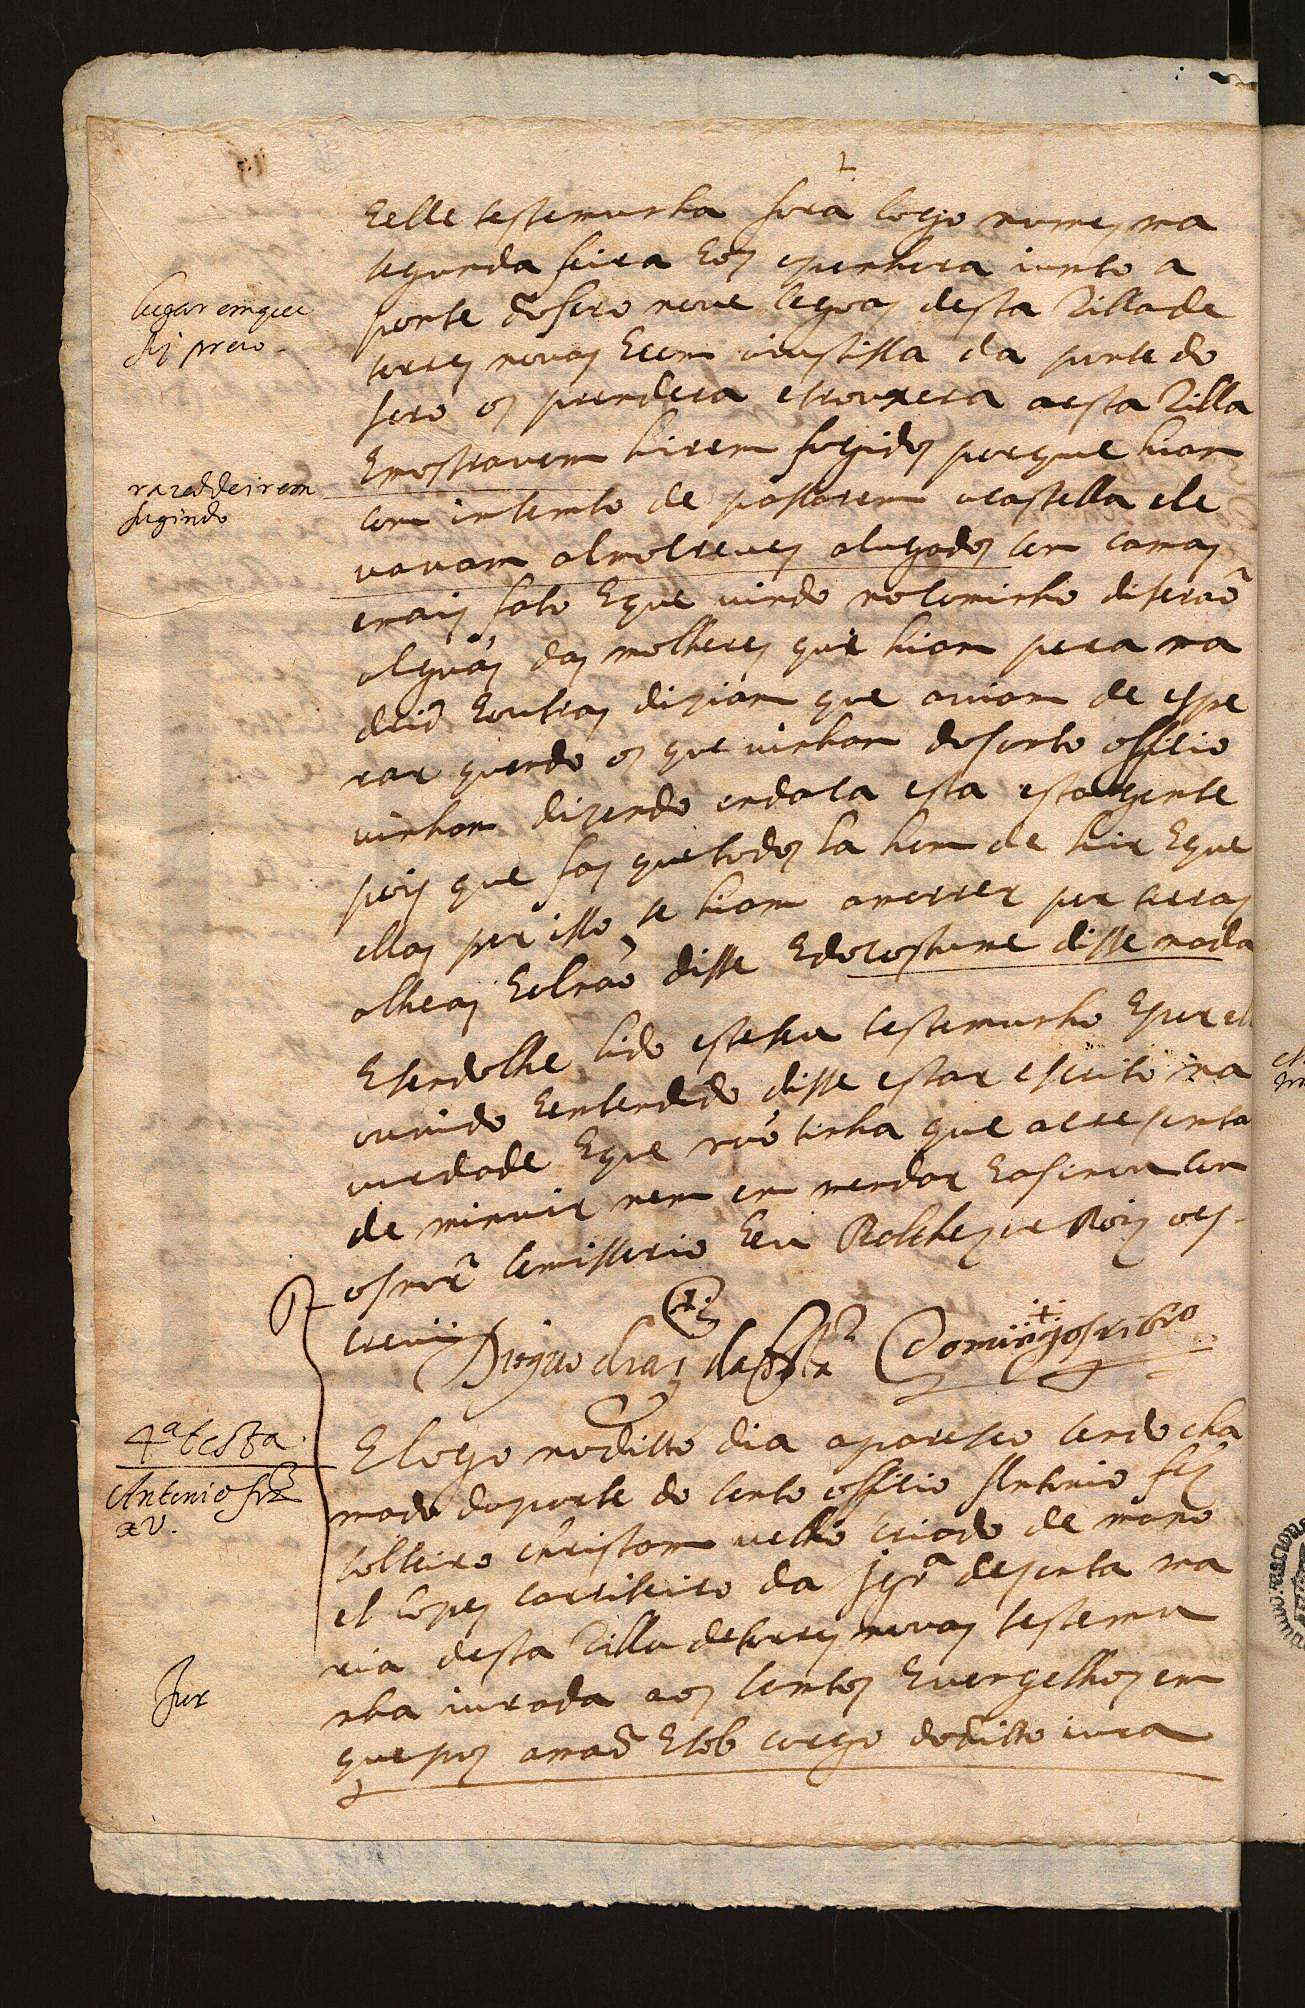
lugar em que
foj prezo
razaõ de irem
fugindo
R
4a testa.
Antonio frz̄
xv.
Jur
E elle testemunha fora logo na mesma
segunda feira E os apanhara iunto a
ponte do soro noue legoas desta Villa de
torres nouas E com a iustissa da ponte do
soro os prendera e trouxera a esta Villa
E mostrauam hirem fugidos porque hiam
com intemto de passarem a castella e le
uauam almocreues alugados com camas
e mais fato E que uindo no caminho diseraõ
alguās das molheres que hiam pera ma
drid E outras diziam que auiam de espe
rar quando os que uinham do santo officio
uinham dizendo erdara esta esta gente
pois que fas que todos la ham de hir E que
ellas per isso se hiam a morrer per terras
alheas E al naõ disse E do costume disse nada
E sendolhe lido este seu testemunho E por el
ouuido E entendido disse estar escrito na
uerdade E que naõ tinha que acresenta
deminuir nem emmendar E asinou com
o snor̄ Comissario E eu Balthezar Roiz o es
creuii
Dioguo dias da Costa Domingos ribro
E logo no ditto dia apareseo sendo cha
mado da parte do santo officio Antonio frz̄
solteiro christam uelho criado de mano
el lopes carrileiro da Jgra de santa ma
ria desta Villa de torres nouas testemu
nha iurada aos santos Euangelhos em
que pos a maõ E sob cargo do ditto iura
